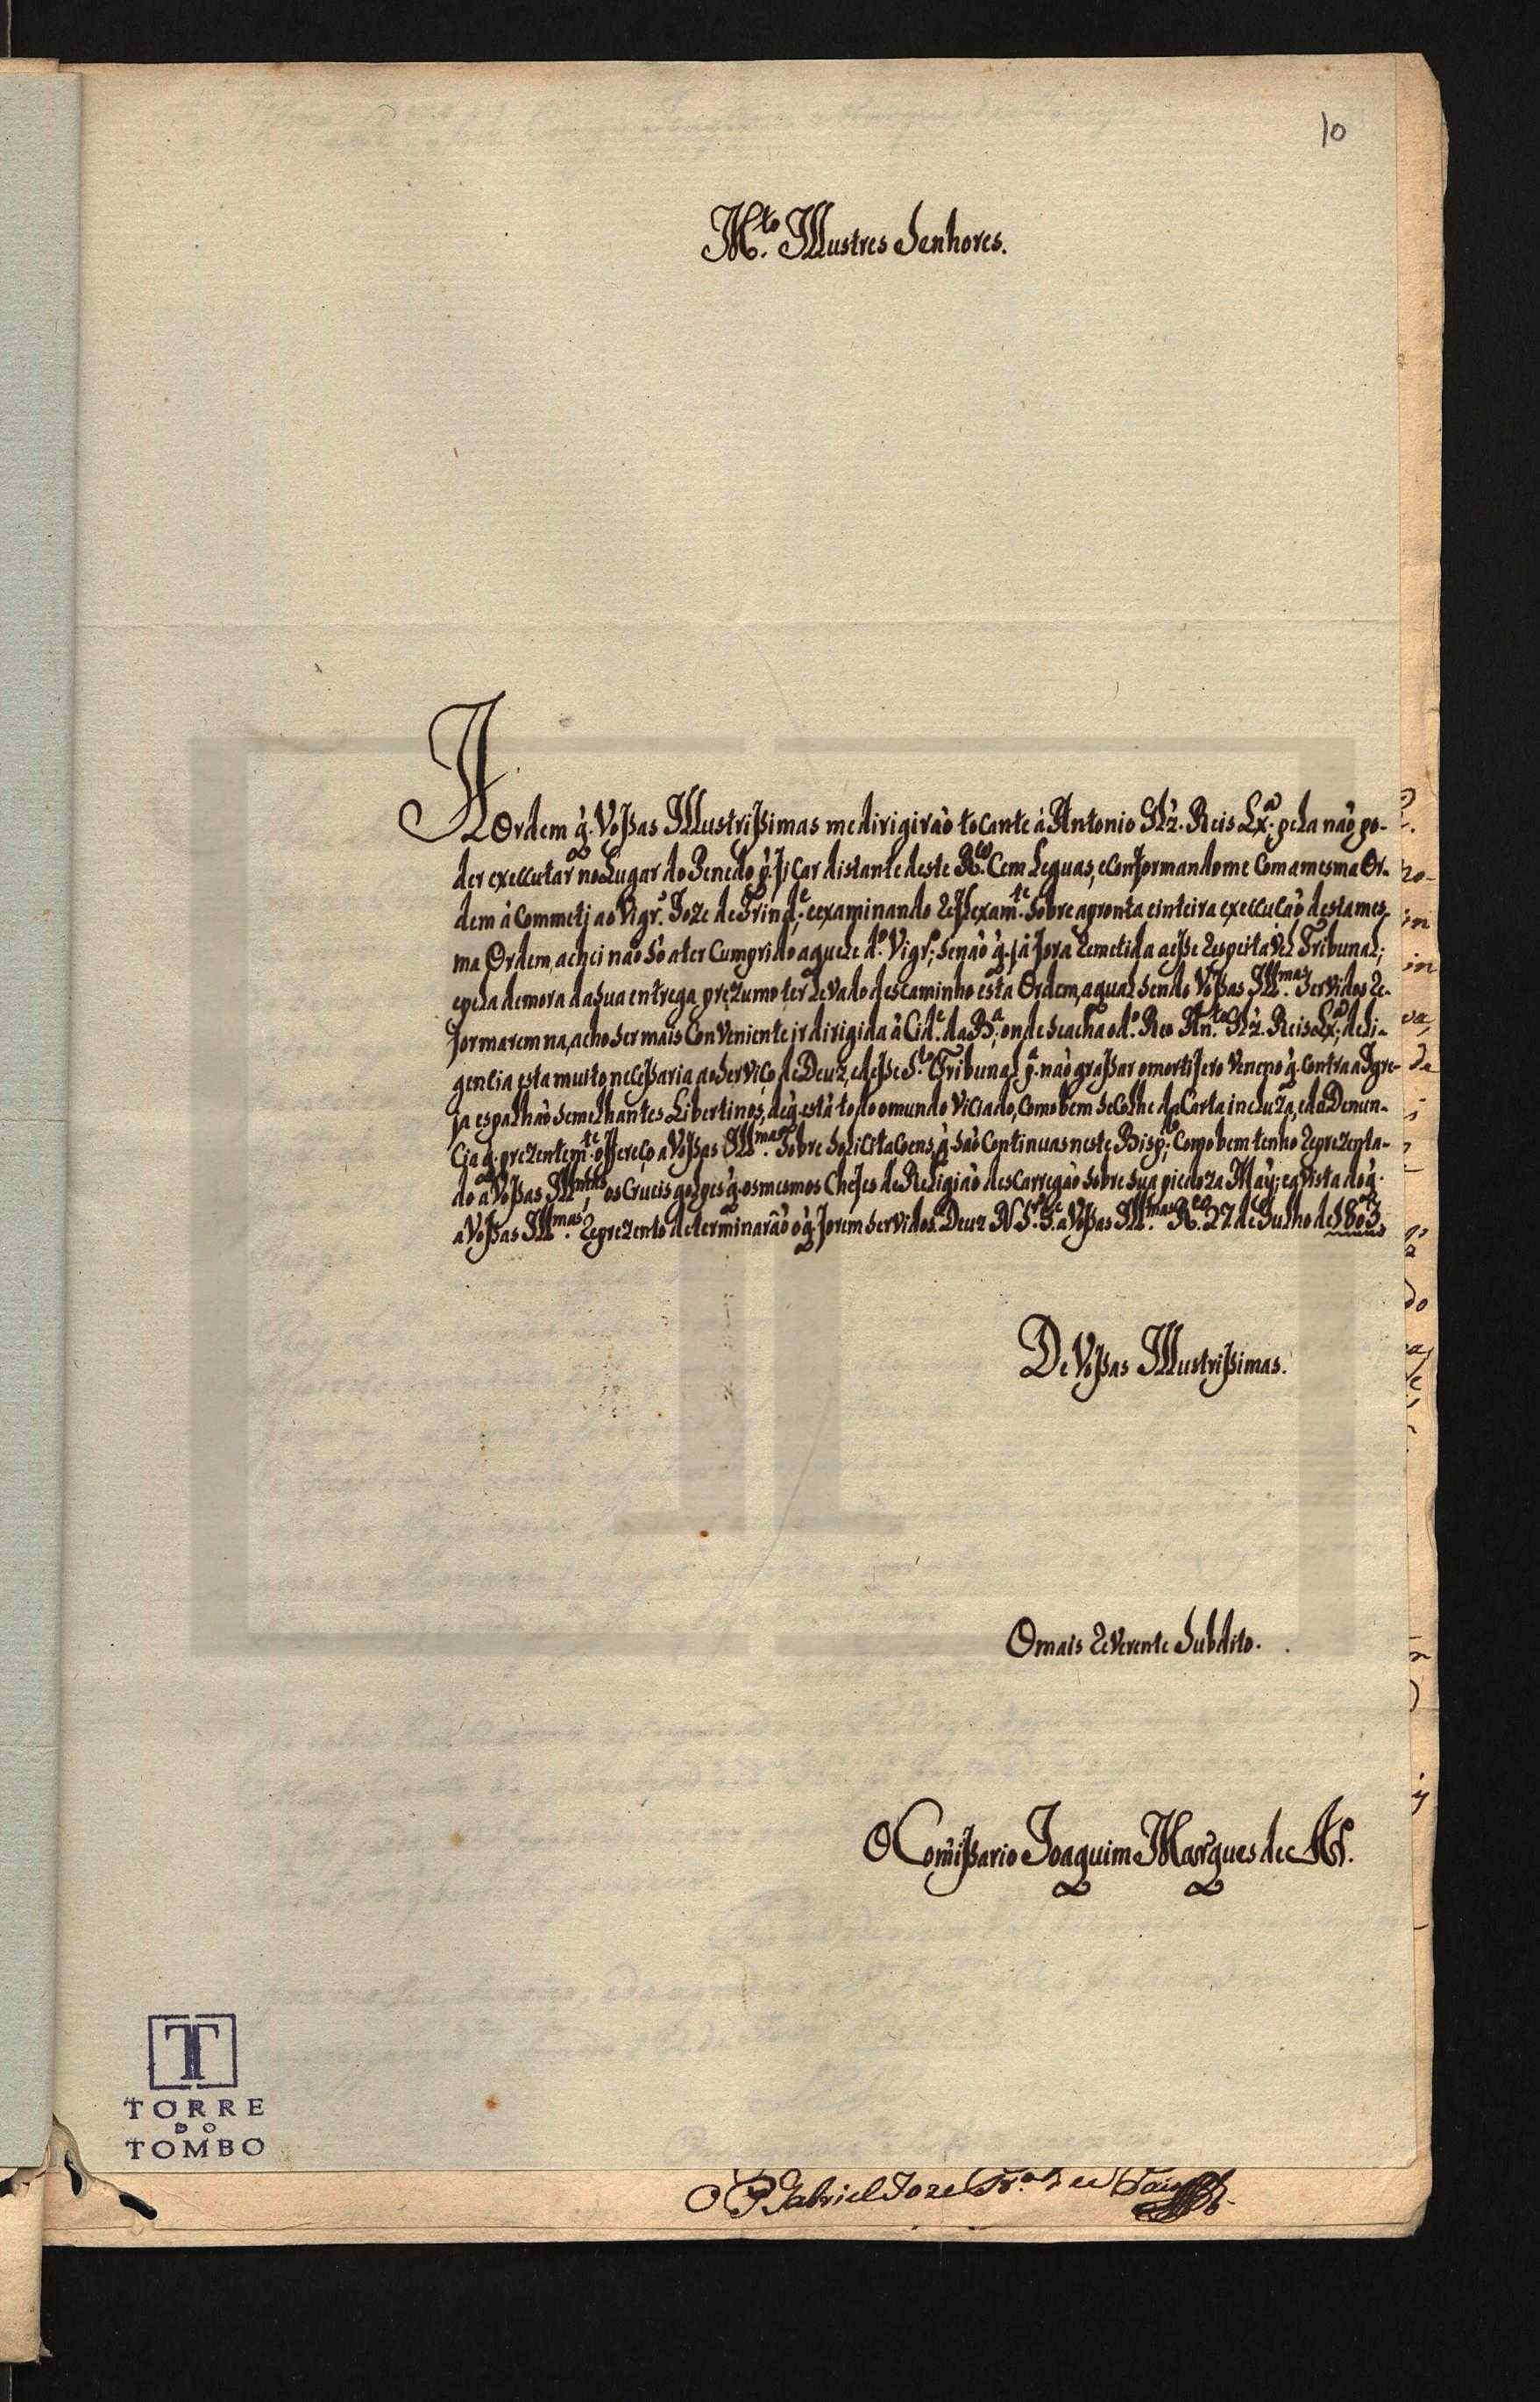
M.to Illustres Senhores.
A Ordem q̄ Vossas Illustrissimas me dirigiraõ tocante á Antonio Glz̄ Reis Lx.a pela naõ po
der execcutar no Lugar do Penedo, p̄ ficar distante deste R.co Cem Leguas, e Conformandome Com a mesma Or.
dem á Commeti ao Vigr.o Ioze de Trind.e e examinando Reflexam.te sobre a pronta e inteira execcuçaõ desta mes
ma Ordem achei naõ só a ter Cumprido aquele d.o Vigr.o; senaõ q̄ já fora Remetida a esse RespeitaVel Tribunal;
e pela demora da sua entrega preZumo ter LeVado descaminho esta Ordem, a qual sendo Vossas Ill.mas servidas Re
formaremna, acho ser mais ConVeniente ir dirigida à Cid.e da B.a; onde se acha o d.o Reo An.to Glz̄ Reis Lx.a; deli
gencia esta muito necessaria ao serviço de Deuz, e desse S.to Tribunal p.a naõ grassar o mortifero Veneno q̄ contra a Igre
ja espalhaõ semelhantes Libertinos, de q̄ está todo o mundo Viciado, como bem se colhe da Carta incluza, e da Denun
Cia q̄ prezentem.te offereço a Vossas Ill.mas Sobre SolicitaÇoens, q̄ saõ continuas neste Bisp.do; como bem tenho Reprezenta
do a Vossas Ill.mas, os Crueis golpes q̄ os mesmos Chefes de Religiaõ desCarregaõ sobre sua piedoza Maȳ; e a Vista do q̄
a Vossas Ill.mas Reprezento determinarão o q̄ forem serVidos. Deuz N.S.r G.e a Vossas Ill.mas R.co 27 de Iulho de 1803.
De Vossas Illustisimas.
O mais ReVerente subdito.
O Com̄issario Ioaquim Marques de Ar.o
